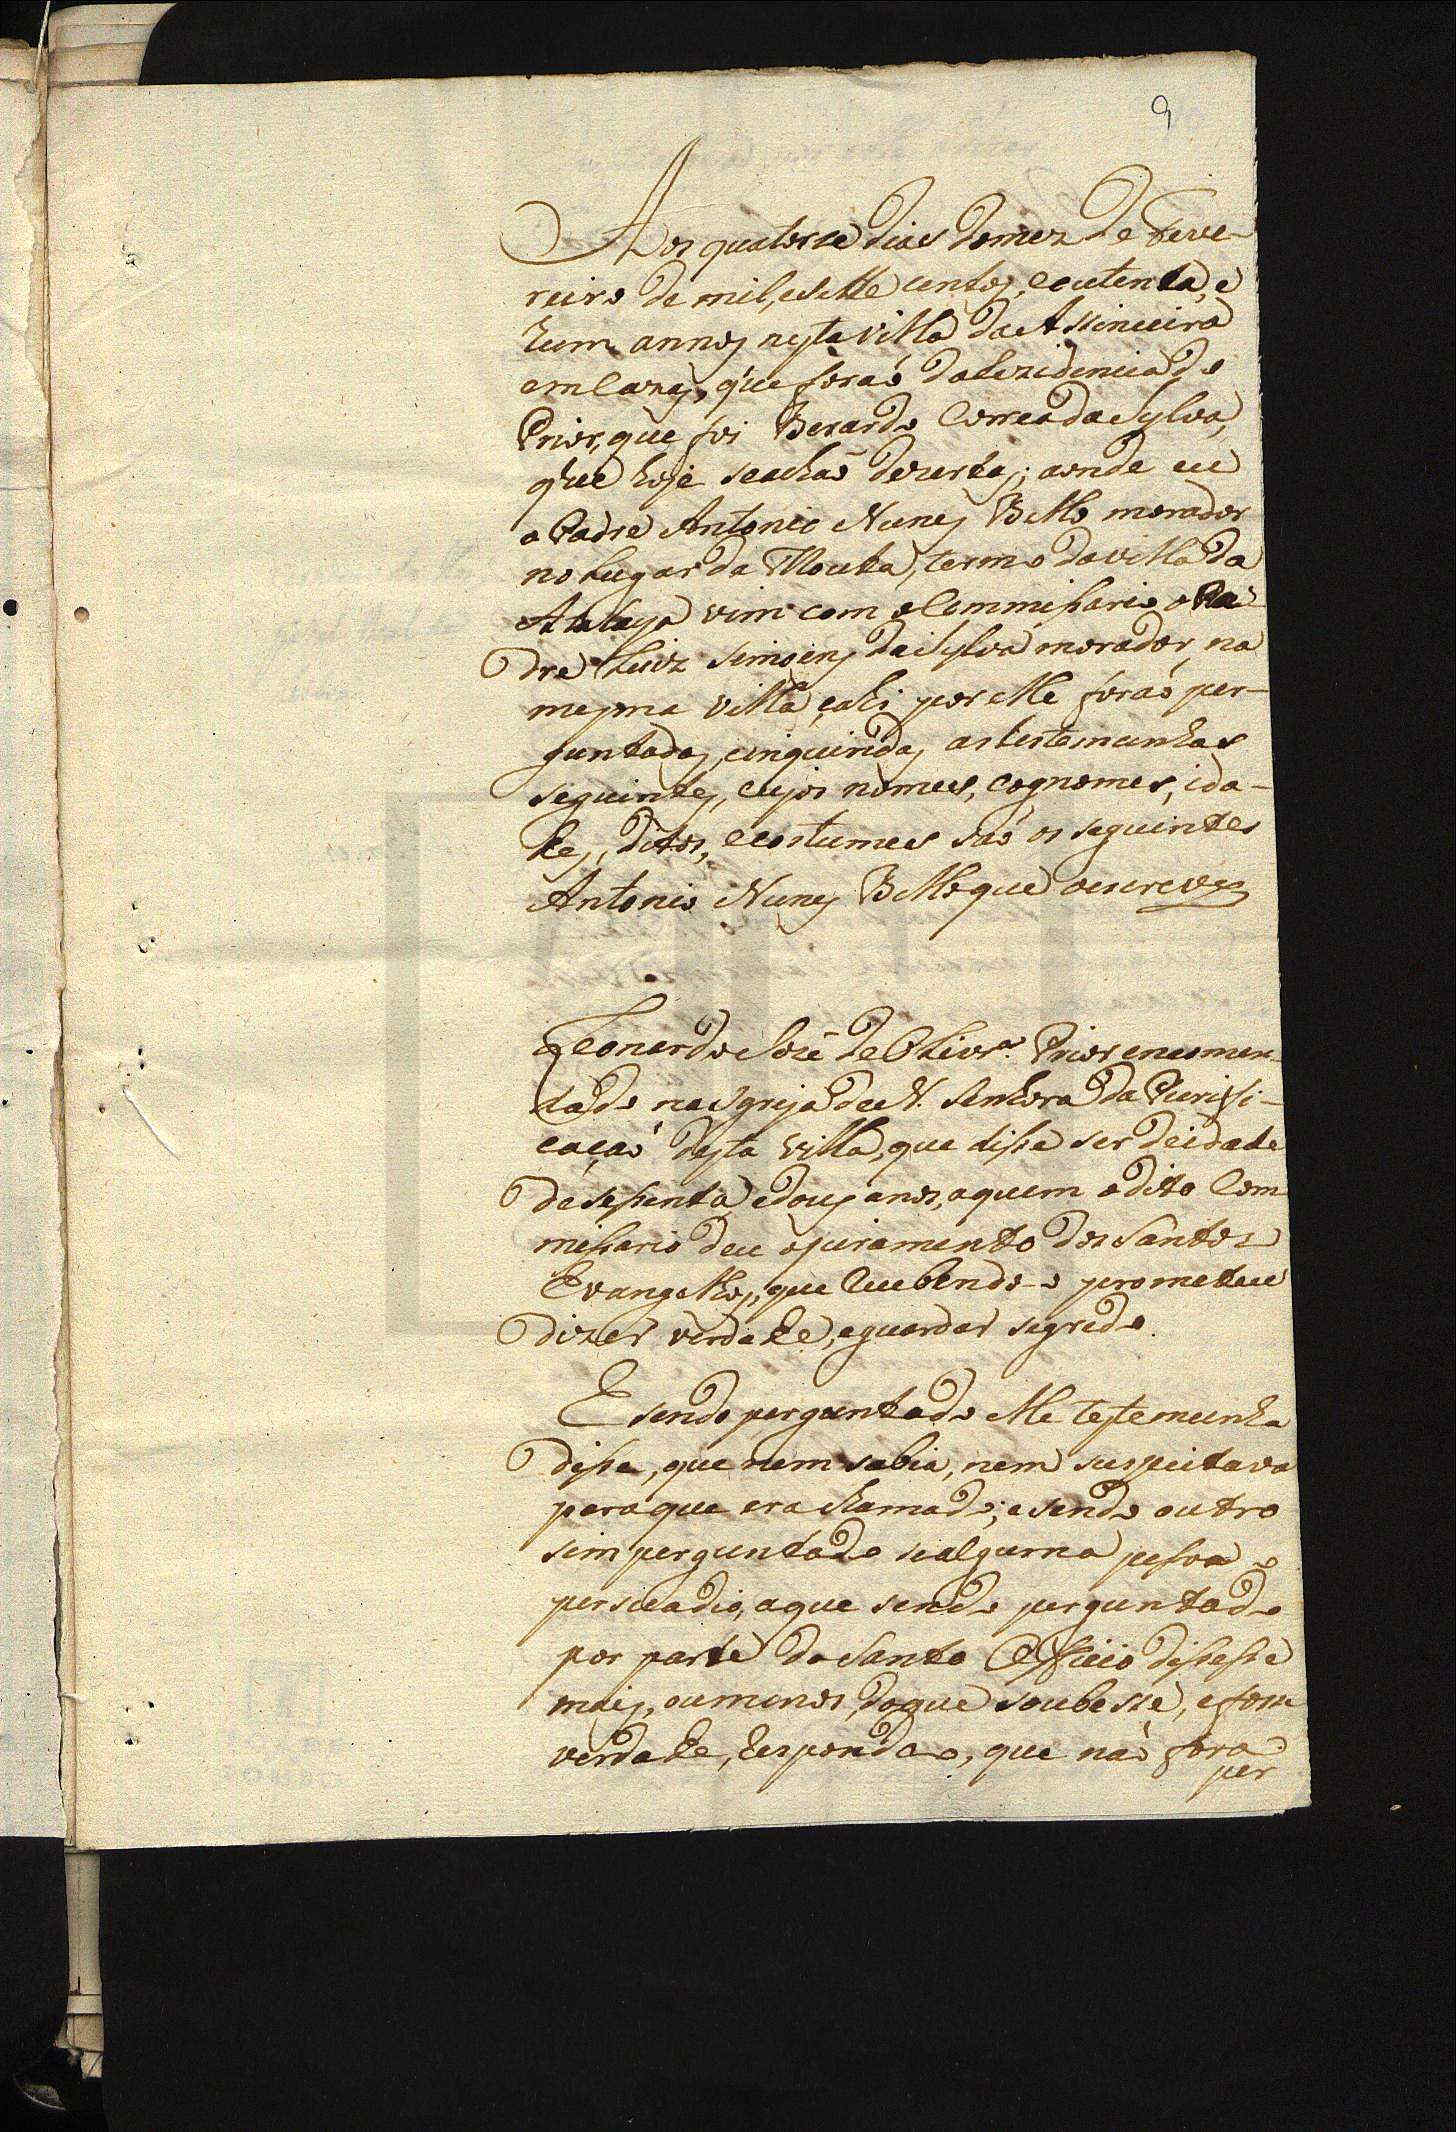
9
Aos quatorze dias do mez de Feve
reiro de mil, e settecentos, e outenta, e
hum annos nesta villa da Assinceira
em cazas, que foraõ da Rezidencia do
Prior, que foi Berardo Correa da Sylva,
que hoje se achaõ dezertas; aonde eu
o Padre Antonio Nunes Bello morador
no Lugar da Mouta, termo da villa da
Atalaya vim com o Commissario o Pa
dra Luiz Simoens da Sylva morador na
mesma villa e ahi por elle foraõ per
guntadas, e inquiridas as testemunhas
seguintes, cujos nomes, cognomes, ida
tes, ditos, e costumes saõ os seguintes
Antonio Nunes Bello que o escrevy
Leonardo Iozé de OLivr.a Prior encomen
dado na Igreja de N. Senhora da Purifi
caçaõ desta villa, que disse ser de idade
de sessenta e dous anos, a quem o dito Com
missario deu o juramento dos Santos
Evangelhos, que Recebendo-o prometeu
dizer verdade, e guardar segredo.
E sendo perguntado elle testemunha
disse, que nem sabia, nem suspeitava
para que era chamado; e sendo outro
sim perguntado se alguma pessoa o
persuadio, a que sendo perguntado
por parte do Santo Officio dissesse
mais, ou menos, do que soubesse, e fosse
verdade, Respondeo, que naõ fora
per
